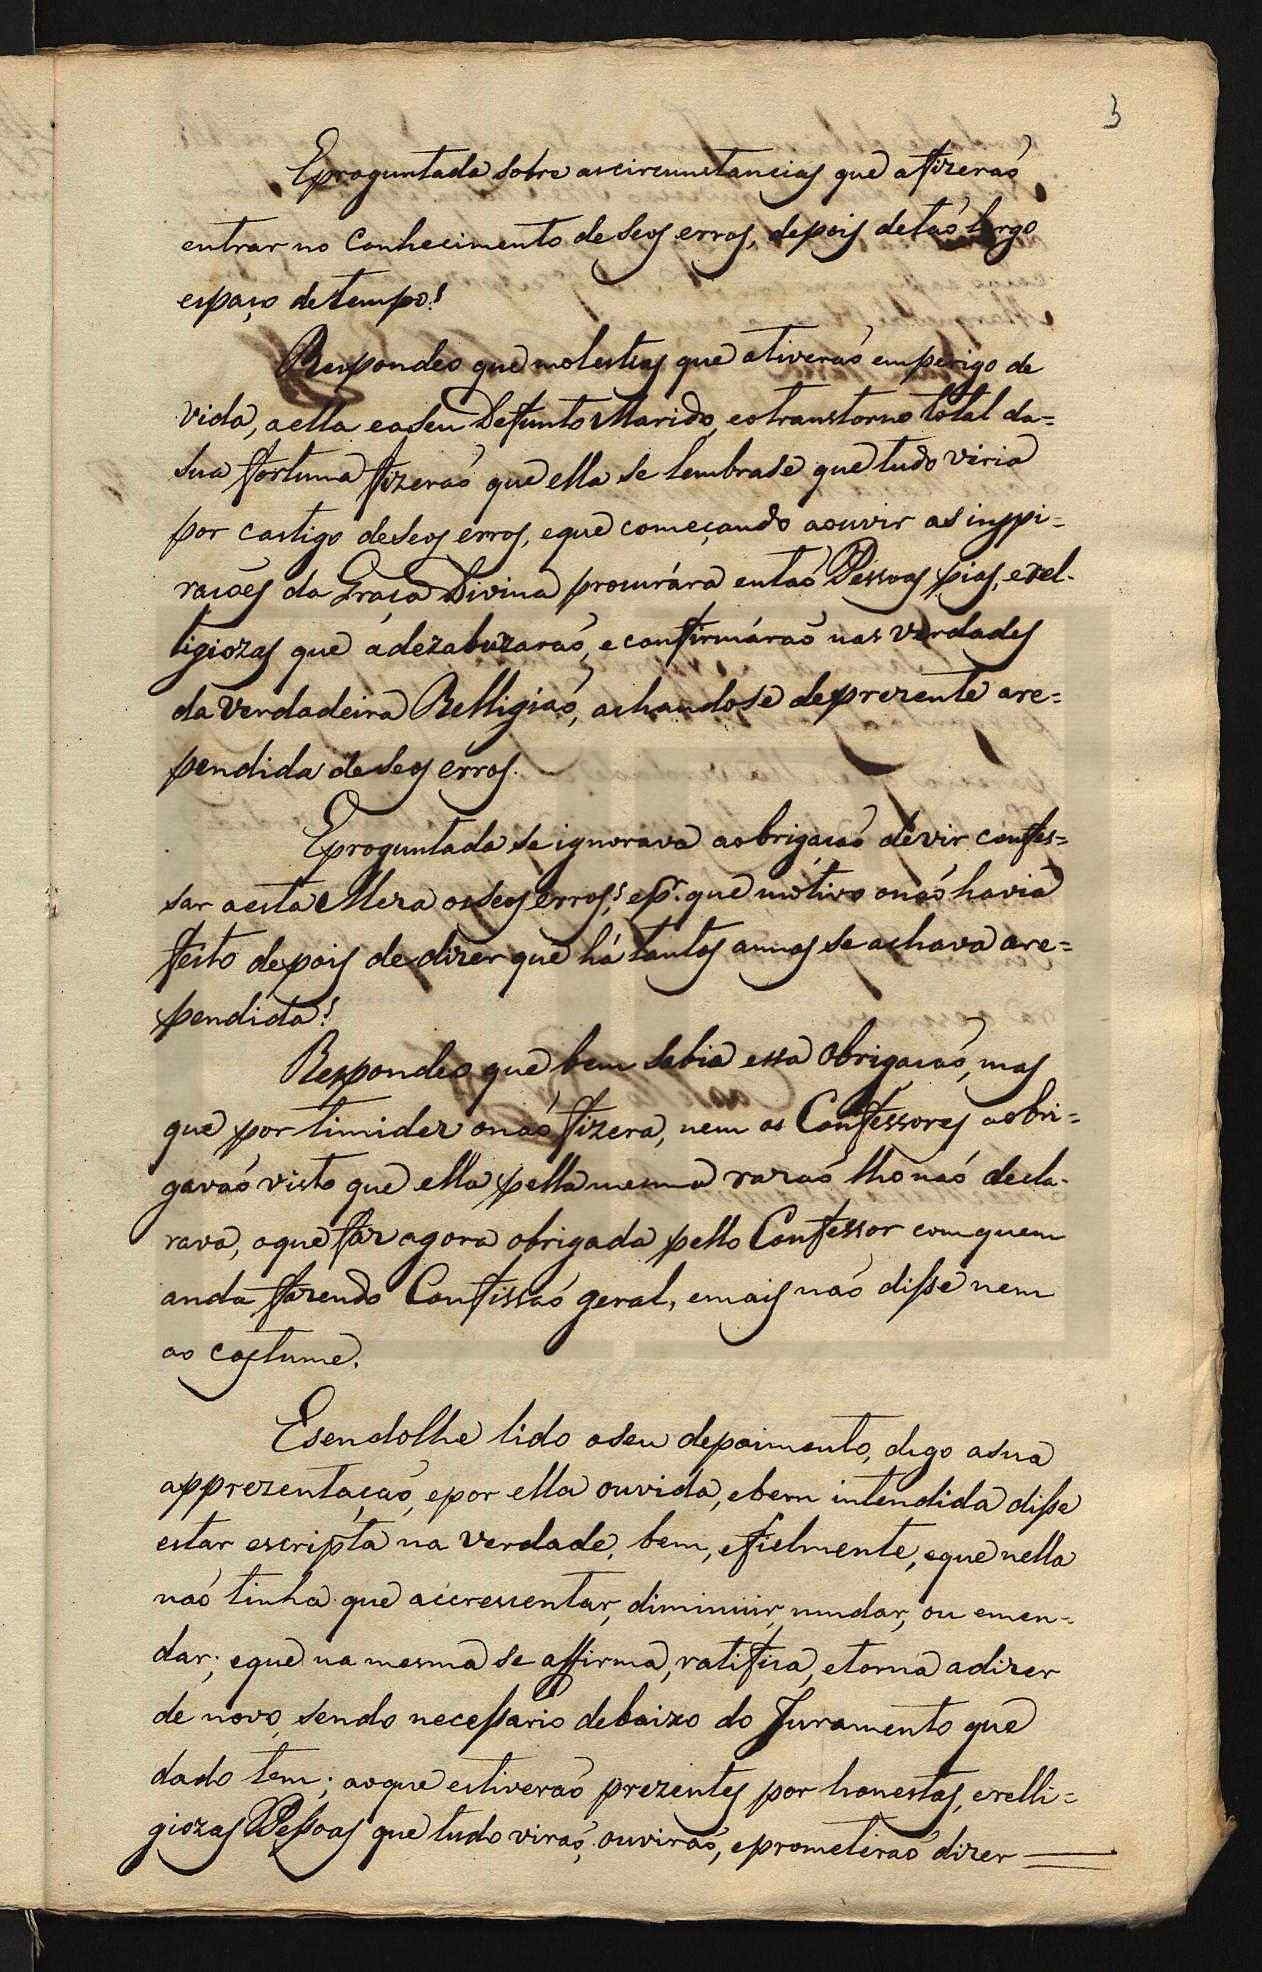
E proguntada sobre as circunstancias que a fizeraõ
entrar no conhecimento de seos erros, depois de taõ largo
espaço de tempo?
Respondeo que molestias que a tiveraõ em perigo de
vida, a ella, e a seu defunto Marido, e o transtorno total da
sua fortuna fizeraõ que ella se lembrase que tudo viria
por castigo de seos erros, e que começando a ouvir as inspi
raçoẽs da Graça Divina procurára entaõ Pessoas pias, e rel
ligiozas que a dezabuzaraõ, e confirmáraõ nas verdades
da verdadeira Relligiaõ, achando-se de prezente are
pendida de seos erros.
E proguntada se ignorava a obrigaçaõ de vir confes
sar a esta Meza os seos erros? e pr. que motivo o naõ havia
feito depois de dizer que há tantos annos se achava are
pendida?
Respondeo que bem sabia essa obrigaçaõ, mas
que por timidez o naõ fizera, nem os Confessores a obri
gavaõ visto que ella pella mesma razaõ lho naõ decla
rava, o que faz agora obrigada pello Confessor com quem
anda fazendo Confissaõ geral, e mais naõ disse, nem
ao costume.
E sendolhe lido o seu depoimento, digo a sua
apprezentaçaõ, e por ella ouvida, e bem intendida disse
estar escripta na verdade, bem, e fielmente, e que nella
naõ tinha que accrescentar, diminuir, mudar; ou emen
dar; e que na mesma se affirma, ratifica, e torma a dizer
de novo, sendo necessario debaixo do Juramento que
dado tem; ao que estiveraõ prezentes por honestas, e relli
giozas Pessoas que tudo viraõ, ouviraõ, e prometiraõ dizer
